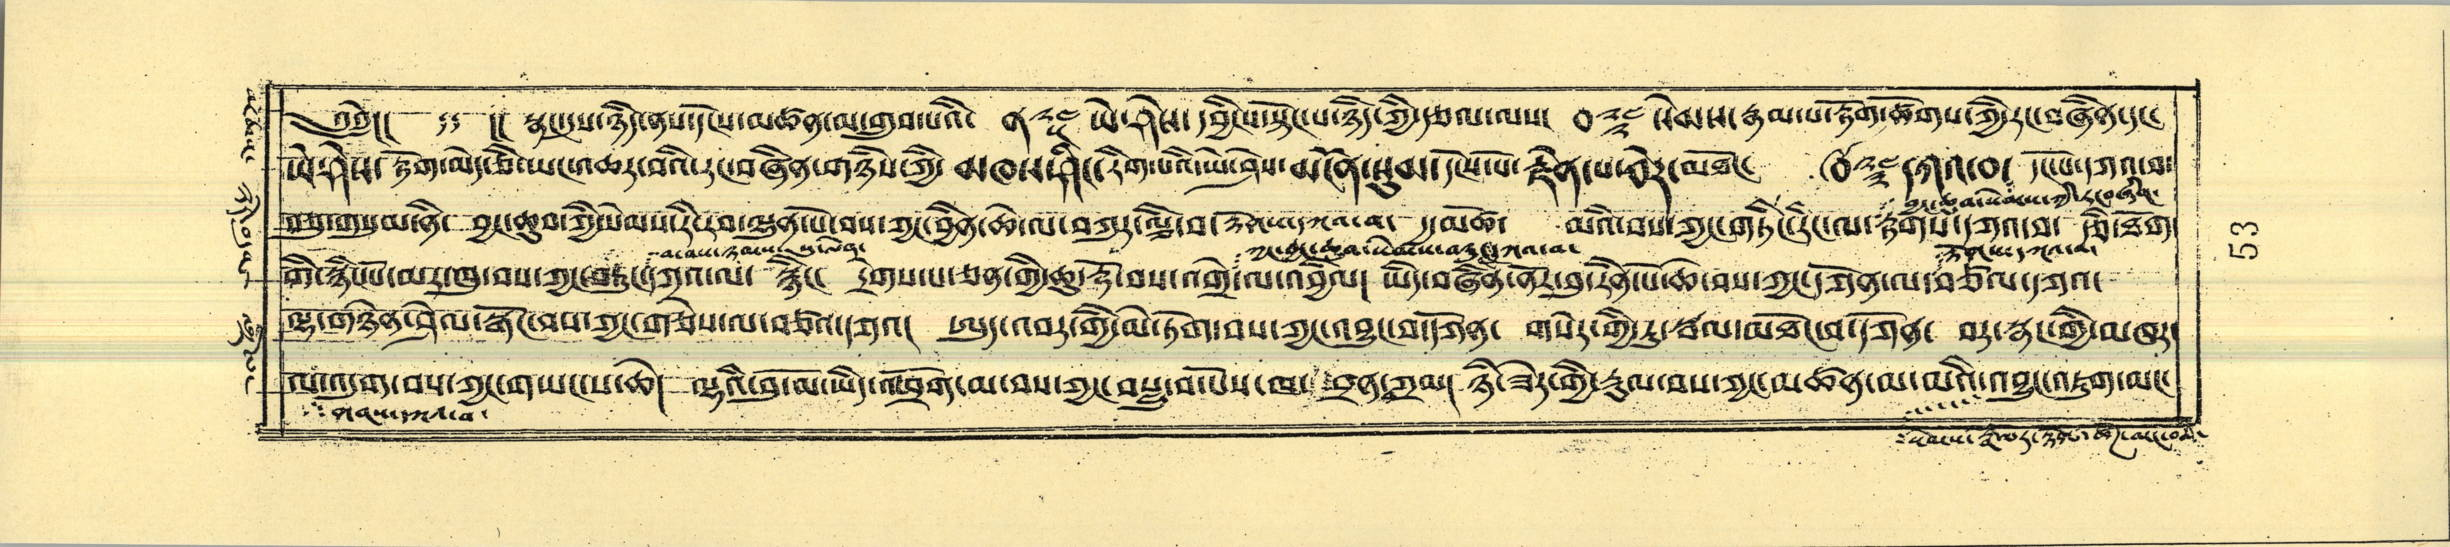སྣང་དུས་ཉིད་ནས་དངོས་མཚན་མ་གྲུབ་པའི་ན༢༤།༥ ༼ཡེ་ཤེས༽དབྱིངས་སྟོང་པ་ཉིད་ཀྱི་རྩལ་ལས་བ༢༤།༢ ༼སེམས༽རྣམ་པ་རྟོག་ཚོགས་ཀྱི་རང་བཞིན་དང་
༼ཡེ་ཤེས༽རྟོག་མེད་ཅི་ཡང་འཆར་བའི་རང་བཞིན་གཉིས་ཀྱི་༼མཁས་ཤིང་༽རིག་པའི་ཡེ་ཤེས་༼མངོན་སུམ༽དངོས་པོ་༼རྗེན༽པ་༼ཅེར༽མཐོང་བ༢༤།༣༼དཀའ་བ༽དང་པོ་དཀའ་བ་
བཅུ་གསུམ་ནི། བྱང་ཆུབ་ཀྱི་སེམས་རི་རབ་ལྷུན་པོ་བས་ཀྱང་བྱིན་ཆེ་ལ་བཀུར་ལྕི་བ། རྟོགས་དཀའ་བ་རྒྱ་མཚོ་༼༽མའི་བས་ཀྱང་གཏིང་རིང་ལ། བྱང་ཆུབ་སེམས་ཀྱི་རང་བཞིན་རྟོགས་དཀའ་བ་རྩི་ཐོག་
གི་སྙིང་པོ་མར་ཁུ་བས་ཀྱང་བཏུང་བ་བས་ཉམས་སུ་ལེན་དཀའ་ལ། སྙིང་དྲེགས་པ་ཅན་གྱི་ཆུ་རྡོ་བས་འགྲེ་ཀྱང་བྱང་ཆུབ་སེམས་བཟུང་དཀའ་བ་ལ་འབྱིལ། ཡདི་བཞིན་ནོར་བུ་རིན་པོ་ཆེ་བས་ཀྱང་དཀོན་ལ་རྟོགས་དཀའ་བ་བཙལ་དཀའ།
ལྷ་གཉེན་ཤེལ་སྒོང་བས་ཀྱང་གཅེས་ལ་བཙའ་དཀའ། ཨུད་འབར་གྱི་མེ་ཏོག་བས་ཀྱང་འབྱུང་བ་དཀོན། གསེར་གྱི་རུས་སྦལ་བས་ཀྱང་མཐོང་བ་དཀོིན། བར་སྣང་གི་མཁའ་
ལ་འདུག་པས་ཀྱང་གཡང་ས་ཆེ་བས་གནས་དཀའ། ལྷའི་བུ་མོ་ཡིད་འཕྲོག་མ་བས་ཀྱང་བསླུ་བ་པོས་ཁ་ཕྲན་བཀྲམ། ཉི་ཟེར་གྱི་རྡུལ་བས་ཀྱང་མཚན་མའི་འབྱུང་འཇུག་སེམས་རྣམ་པར་རྟོག་ཚོགས་མང་བས་མང་།